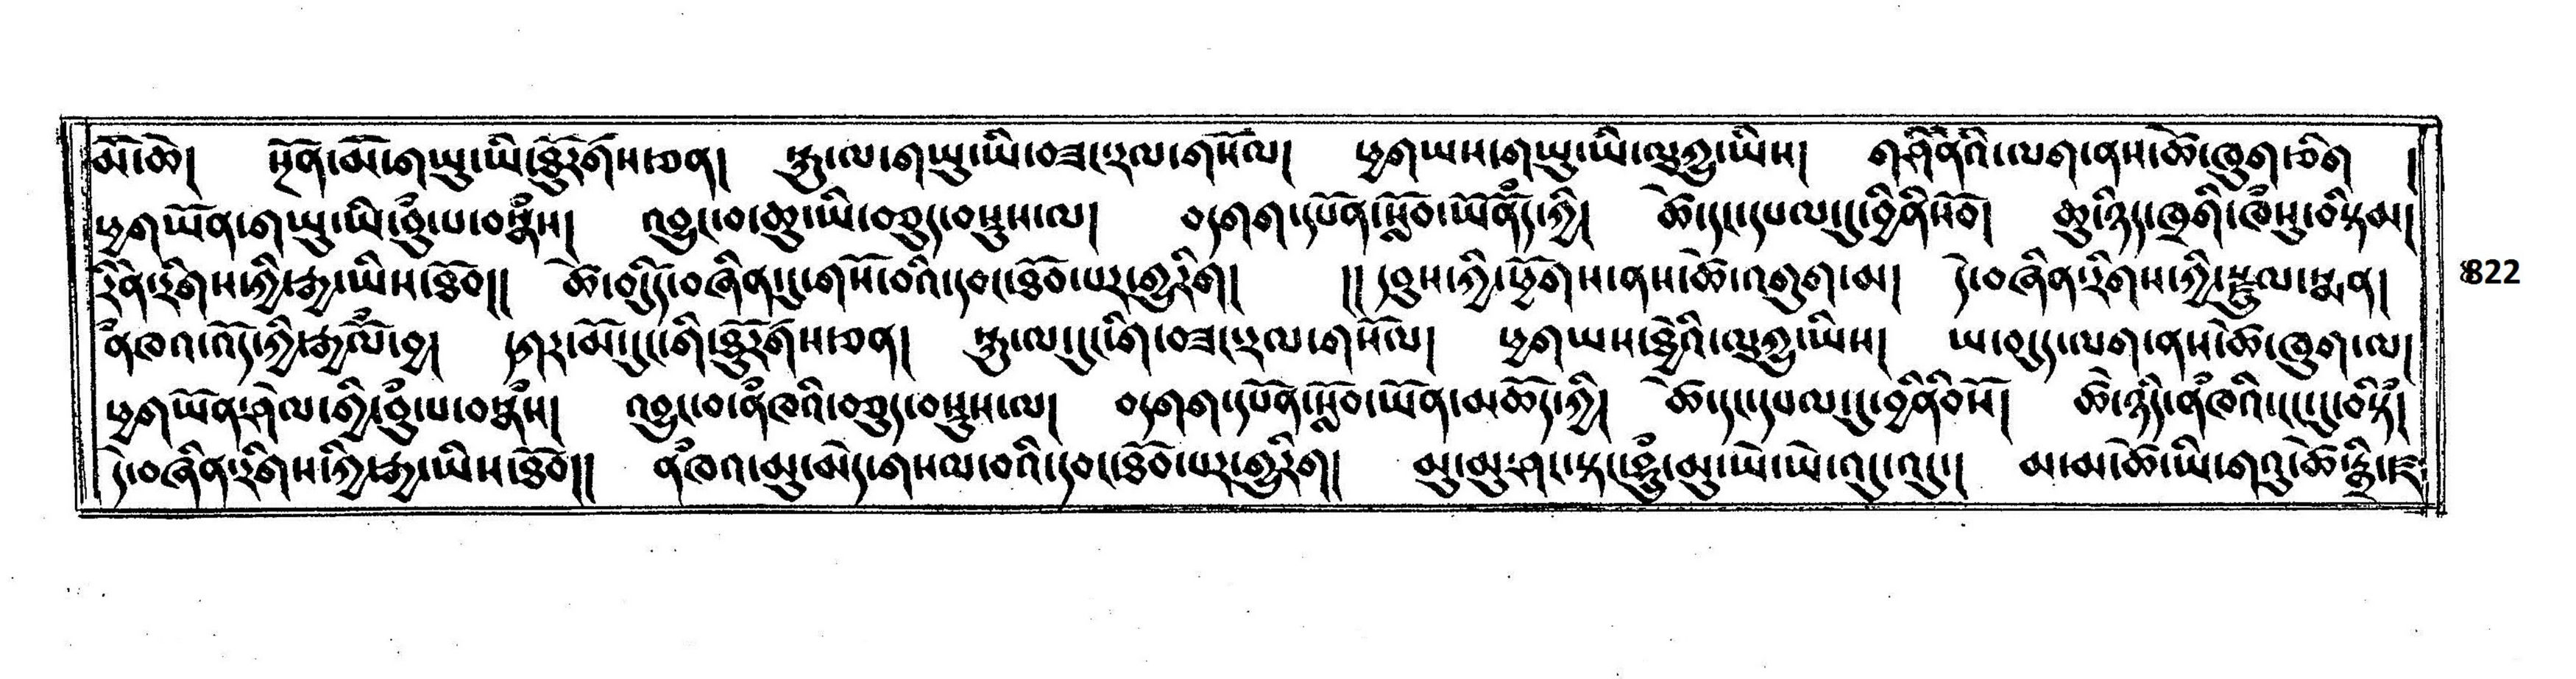མོ་ཆེ། སྔོན་མོ་གཡུ་ཡི་ཐོར་ཚུགས་ཅན། སྐུ་ལ་གཡུ་ཡི་བཟང་རལ་གསོལ། ཕྱག་གཡས་གཡུ་ཡི་ལྕག་ཀྱུ་ཡིས། གཤིན་རྗེའི་ལག་ནས་ཚེ་ཁུག་ཅིག 
ཕྱག་གཡོན་གཡུ་ཡི་བུམ་པ་བསྣམས། འབྱུང་བ་ཆུ་ཡི་བཅུད་བསྡུས་ལ། བདག་ཅག་དཔོན་སློབ་ཡོན་མཆོད་ཀྱི། ཚེ་དང་དཔལ་དུ་བྱིན་གྱིས་རློབས། ཆུ་ཉིད་ཁྲག་གི་ཁམས་སུ་བསྟིམ། 
རིན་ཆེན་རིགས་ཀྱི་རྒྱ་ཡིས་ཐོབ།། ཚེ་བདུད་རྩི་བཞིན་དུ་གསོ་བའི་དབང་ཐོབ་པར་གྱུར་ཅིག །།དབུས་ཀྱི་ཕྱོགས་ནས་ཚེ་འགུག་མ། དེ་བཞིན་རིགས་ཀྱི་རྫུ་འཕྲུལ་སྨན། 
ནམ་མཁའ་འོད་ཀྱི་རྒྱལ་མོ་བྱ། དཀར་མོ་དུང་གི་ཐོར་ཚུགས་ཅན། སྐུ་ལ་དུང་གི་བཟང་རལ་གསོལ། ཕྱག་གཡས་ཐུགས་རྗེའི་ལྕག་ཀྱུ་ཡིས། ཡ་བདུད་ལག་ནས་ཚེ་ཁུག་ལ། 
ཕྱག་གཡོན་ཤེལ་གྱི་བུམ་པ་བསྣམས། འབྱུང་བ་ནམ་མཁའི་བཅུད་བསྡུས་ལ། བདག་ཅག་དཔོན་སློབ་ཡོན་མཆོད་ཀྱི། ཚེ་དང་དཔལ་དུ་བྱིན་གྱིས་རློབས། ཚེ་ཉིད་ནམ་མཁའི་ངང་དུ་བསྟིམ། 
དེ་བཞིན་རིགས་ཀྱི་རྒྱ་ཡིས་ཐོབ།། ནམ་མཁའ་མུ་མེད་གསལ་བའི་དབང་ཐོབ་པར་གྱུར་ཅིག མུ་མུ་ཤང་སྟང་བྷྲུཾ་མུ་ཡེ་ཡེ་འདུ་འདུ། མ་མ་ཚེ་ཡི་གའུ་ཚེ་རྣྲི་ཛ་